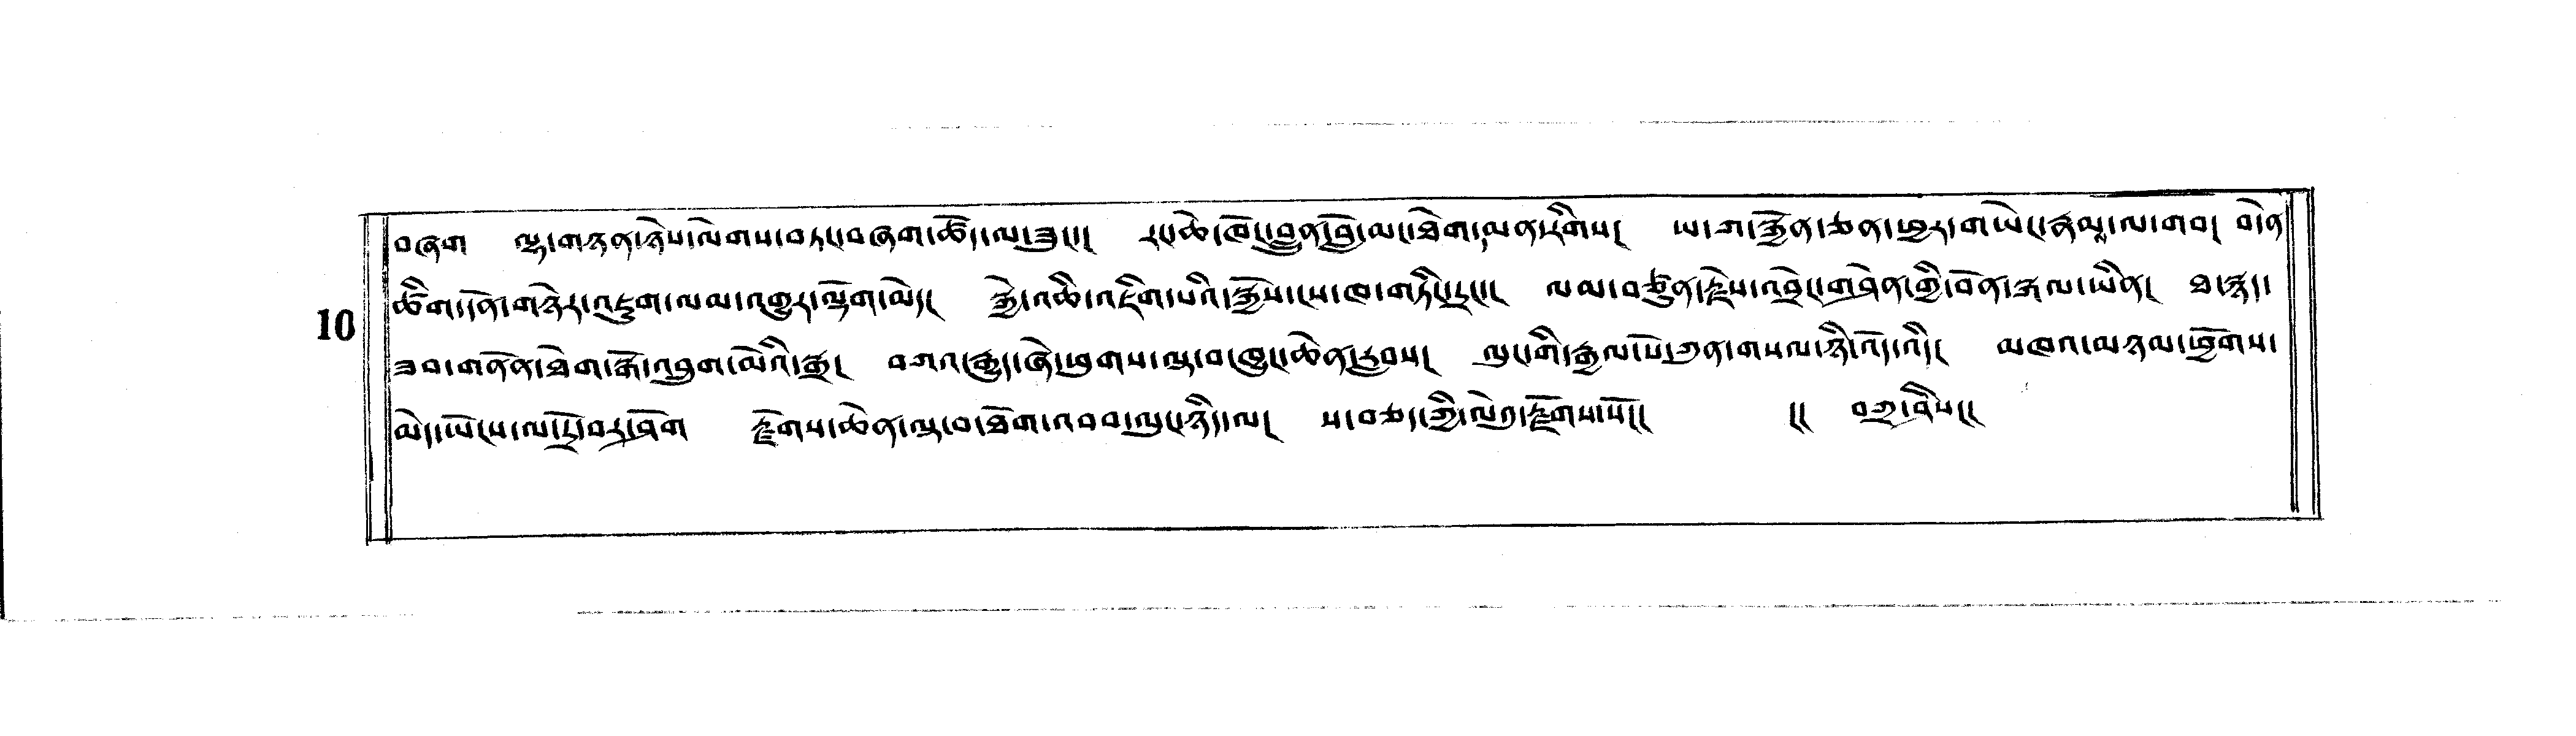བཞག ལྷ་གཉན་ཉེས་ལེགས་བཏང་བཞག་ཚོད་ལ་ཟུང་། རང་ཆེ་ཁོང་བླུན་བློ་མང་ཐེག་དམན་རིགས། ཡ་ཀ་སྐྱོན་ཅན་ཕྱར་གཡེང་རྣམས་ལ་གབ། བདེན་
ཚིག་དོན་གཉེར་འཇུག་ལམ་འགྱུར་ལྡོག་མེད། སྐྱེ་འཆི་འཇིགས་པའི་སྐྱོས་ངས་ཁ་གཏིང་དྲང་། ལམ་བཙུན་རྗེས་འབྲེང་གཤེན་གྱི་བོན་སྐལ་ཡིན། ཐ་སྙད་
ཟབ་གནོན་ཐེག་སྒོ་འབྲུག་མོའི་སྒྲ། བཀའ་རྒྱུད་ཞེ་ཕུག་ལྟ་བ་ཁྱུང་ཆེན་རླབས། ལུང་གི་རྒྱལ་པོ་ཀུན་གསལ་ཉི་འོད་འདི། མཁའ་མཉམ་ཕྱོགས་
མེད་ཡོངས་ལ་དྲོ་བར་ཤོག། རྫོགས་ཆེན་ལྟ་བ་ཐོག་འབབ་ལུང་ཉིད་ལ། ས་བཅད་ཀྱི་ལེའུ་རྫོགས་སོ། །བཀྲ་ཤིས། །